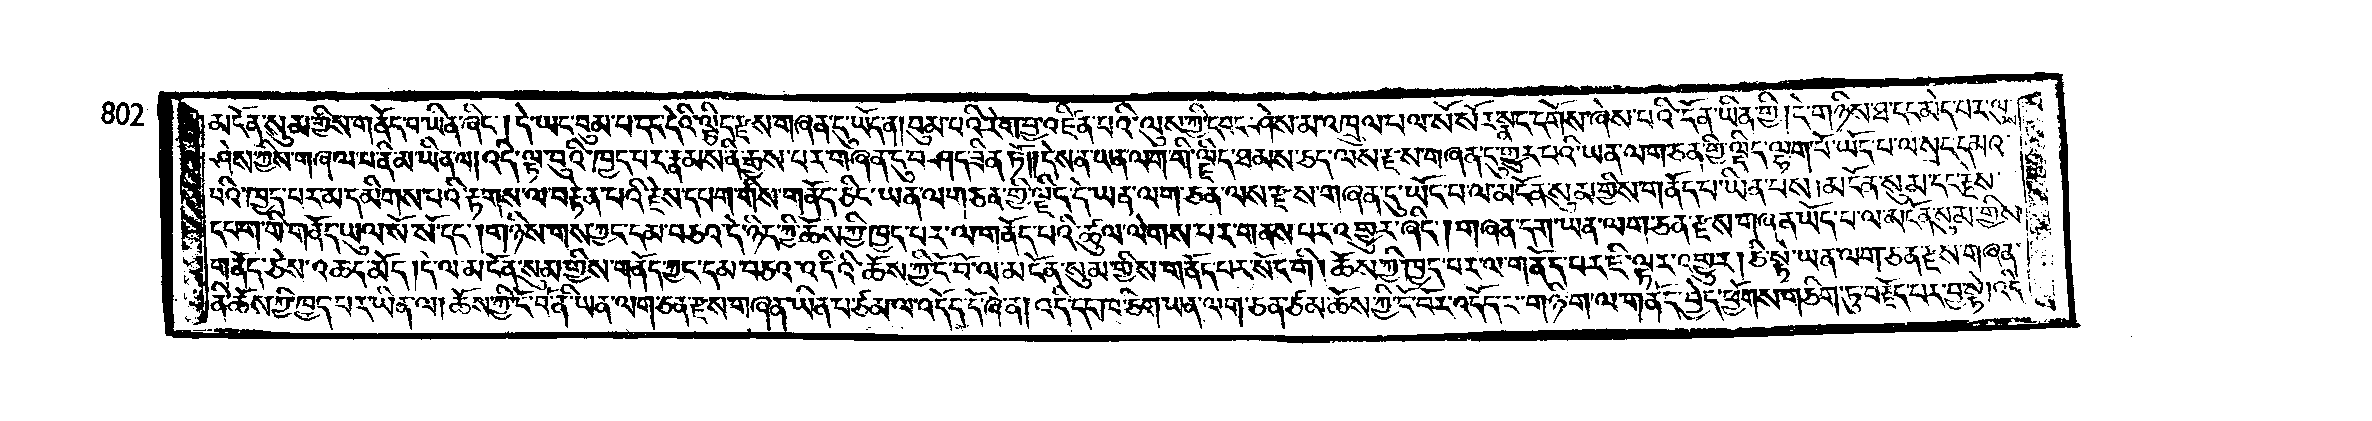མངོན་སུམ་གྱིས་གནོད་པ་ཡིན་ཞིང་། དེ་ཡང་བུམ་པ་དང་དེའི་ལྕིད་རྫས་གཞན་དུ་ཡོད་ན། བུམ་པའི་རེག་བྱ་འཛིན་པའི་ལུགས་ཀྱི་དབང་ཤེས་མ་འཁྲུལ་བ་ལ་སོ་སོ་སྣང་དགོས་ཞེས་པའི་དོན་ཡིན་གྱི། དེ་གཉིས་ཐ་དད་མེད་པར་ལུས་
ཤེས་ཀྱིས་གཞལ་པ་ནི་མ་ཡིན་ལ། འདི་ལྟ་བུའི་ཁྱད་པར་རྣམས་ནི་རྒྱས་པར་གཞན་དུ་བཤད་ཟིན་ཏོ། །དེས་ན་ཡན་ལག་གི་ལྗིད་ཐམས་ཅད་ལས་རྫས་གཞན་དུ་གྱུར་པའི་ཡན་ལག་ཅན་གྱི་ལྗིད་ལྷག་པོ་ཡོད་པ་ལ་སྲང་དམའ་
པའི་ཁྱད་པར་མ་དམིགས་པའི་རྟགས་ལ་བརྟེན་པའི་རྗེས་དཔག་གིས་གནོད་ཅིང་ཡན་ལག་ཅན་གྱི་ལྗིད་དེ་ཡན་ལག་ཅན་ལས་རྫས་གཞན་དུ་ཡོད་པ་ལ་མངོན་སུམ་གྱིས་གནོད་པ་ཡིན་པས། མངོན་སུམ་དང་རྗེས་
དཔག་གི་གནོད་ཡུལ་སོ་སོ་དང་། གཉིས་གས་ཀྱང་དམ་བཅའ་དེ་ཉིད་ཀྱི་ཆོས་ཀྱི་ཁྱད་པར་ལ་གནོད་པའི་ཚུལ་ལེགས་པར་གནས་པར་འགྱུར་ཞིང་། གཞན་དག་ཡན་ལག་ཅན་རྫས་གཞན་ཡོད་པ་ལ་མངོན་སུམ་གྱིས་
གནོད་ཅེས་འཆད་མོད། དེ་ལ་མངོན་སུམ་གྱིས་གནོད་ཀྱང་དམ་བཅའ་འདིའི་ཆོས་ཀྱི་ངོ་བོ་ལ་མངོན་སུམ་གྱིས་གནོད་པ་སོང་གི། ཆོས་ཀྱི་ཁྱད་པར་ལ་གནོད་པར་ཇི་ལྟར་འགྱུར། ཅི་སྟེ་ཡན་ལག་ཅན་རྫས་གཞན་
ནི་ཆོས་ཀྱི་ཁྱད་པར་ཡིན་ལ། ཆོས་ཀྱི་ངོ་བོ་ནི་ཡན་ལག་ཅན་རྫས་གཞན་ཡིན་པ་ཙམ་ལ་འདོད་དོ་ཞེ་ན། འདི་དང་ཁ་ཅིག་ཡན་ལག་ཅན་ཙམ་ཆོས་ཀྱི་ངོ་བོར་འདོད་པ་གཉི་ག་ལ་གནོད་བྱེད་ཕྱོགས་གཅིག་ཏུ་བརྗོད་པར་བྱ་སྟེ། འདི་